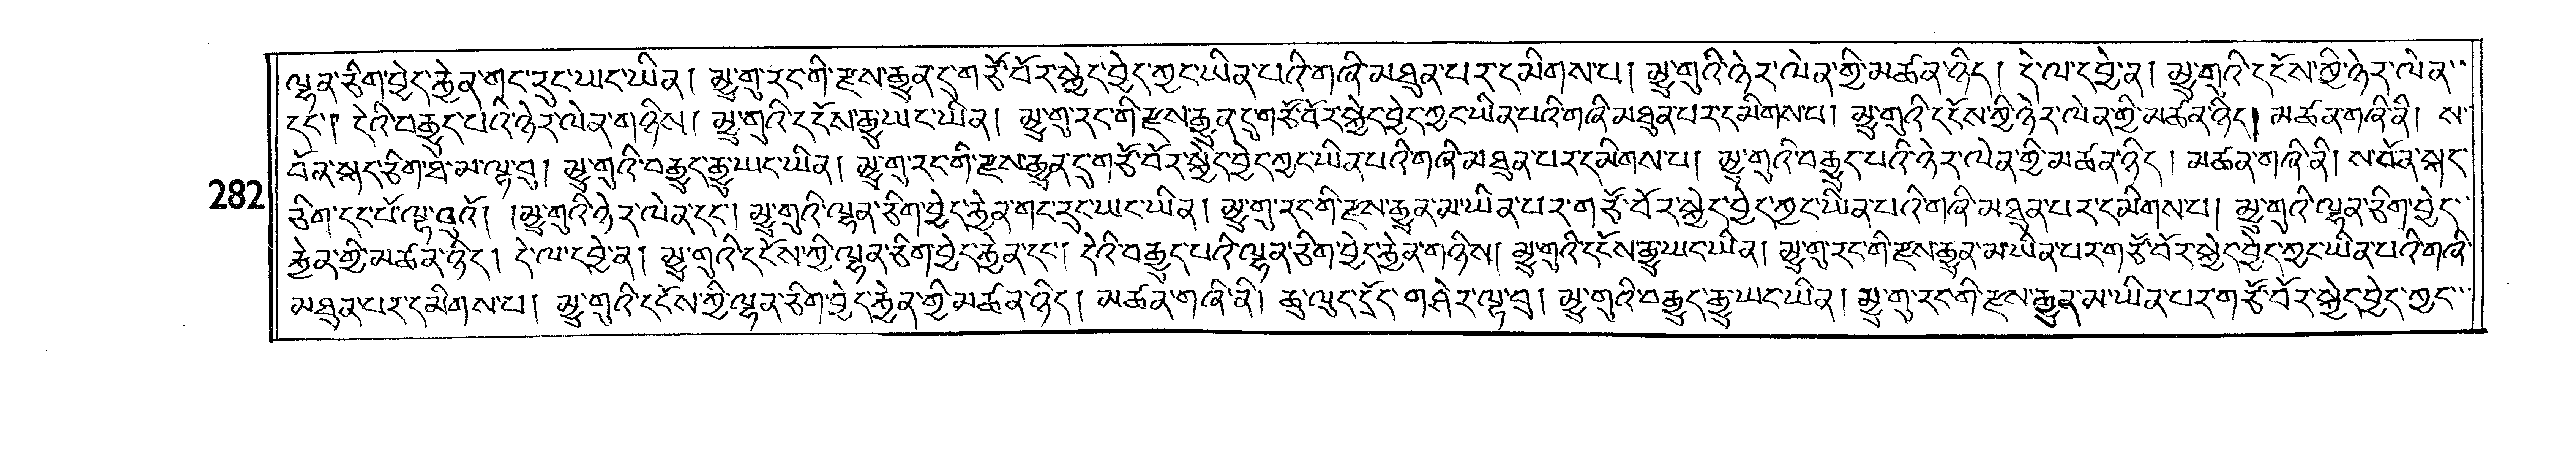ལྷན་ཅིག་བྱེད་རྐྱེན་གང་རུང་ཡང་ཡིན། མྱུ་གུ་རང་གི་རྫས་རྒྱུན་དུ་གཙོ་བོར་སྐྱེད་བྱེད་ཀྱང་ཡིན་པའི་གཞི་མཐུན་པར་དམིགས་པ། མྱུ་གུའི་ཉེར་ལེན་གྱི་མཚན་ཉིད། དེ་ལ་དབྱེ་ན། མྱུ་གུའི་དངོས་ཀྱི་ཉེར་ལེན་
དང་། དེའི་བརྒྱུད་པའི་ཉེར་ལེན་གཉིས། མྱུ་གུའི་དངོས་རྒྱུ་ཡང་ཡིན། མྱུ་གུ་རང་གི་རྫས་རྒྱུན་དུ་གཙོ་བོར་སྐྱེད་བྱེད་ཀྱང་ཡིན་པའི་གཞི་མཐུན་པར་དམིགས་པ། མྱུ་གུའི་དངོས་ཀྱི་ཉེར་ལེན་གྱི་མཚན་ཉིད། མཚན་གཞི་ནི། ས་
བོན་སྐད་ཅིག་ཐ་མ་ལྟ་བུ། མྱུ་གུའི་བརྒྱུད་རྒྱུ་ཡང་ཡིན། མྱུ་གུ་རང་གི་རྫས་རྒྱུན་དུ་གཙོ་བོར་སྐྱེད་བྱེད་ཀྱང་ཡིན་པའི་གཞི་མཐུན་པར་དམིགས་པ། མྱུ་གུའི་བརྒྱུད་པའི་ཉེར་ལེན་གྱི་མཚན་ཉིད། མཚན་གཞི་ནི། ས་བོན་སྐད་
ཅིག་དང་པོ་ལྟ་བུའོ། །མྱུ་གུ་ཉེར་ལེན་དང་། མྱུ་གུའི་ལྷན་ཅིག་བྱེད་རྐྱེན་གང་རུང་ཡང་ཡིན། མྱུ་གུ་རང་གི་རྫས་རྒྱུན་མ་ཡིན་པར་གཙོ་བོར་སྐྱེད་བྱེད་ཀྱང་ཡིན་པའི་གཞི་མཐུན་པར་དམིགས་པ། མྱུ་གུའི་ལྷན་ཅིག་བྱེད་
རྐྱེན་གྱི་མཚན་ཉིད། དེ་ལ་དབྱེ་ན། མྱུ་གུའི་དངོས་ཀྱི་ལྷན་ཅིག་བྱེད་རྐྱེན་དང་། དེའི་བརྒྱུད་པའི་ལྷན་ཅིག་བྱེད་རྐྱེན་གཉིས། མྱུ་གུའི་དངོས་རྒྱུ་ཡང་ཡིན། མྱུ་གུ་རང་གི་རྫས་རྒྱུན་མ་ཡིན་པར་གཙོ་བོར་སྐྱེད་བྱེད་ཀྱང་ཡིན་པའི་གཞི་
མཐུན་པར་དམིགས་པ། མྱུ་གུའི་དངོས་ཀྱི་ལྷན་ཅིག་བྱེད་རྐྱེན་གྱི་མཚན་ཉིད། མཚན་གཞི་ནི། ཆུ་ལུང་དྲོད་གཤེར་ལྟ་བུ། མྱུ་གུའི་བརྒྱུད་རྒྱུ་ཡང་ཡིན། མྱུ་གུ་རང་གི་རྫས་རྒྱུན་མ་ཡིན་པར་གཙོ་བོར་སྐྱེད་བྱེད་ཀྱང་